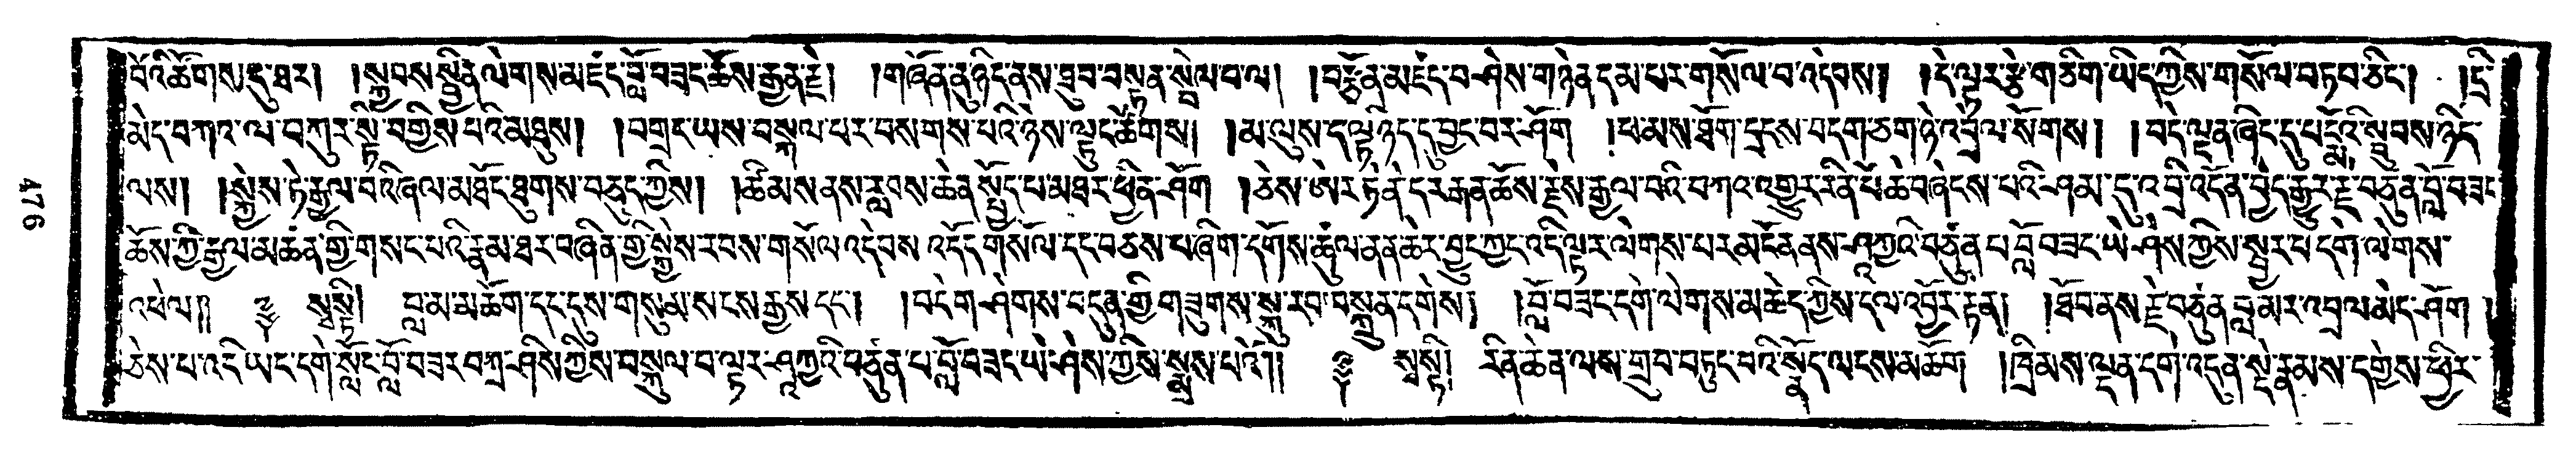བོའི་ཚོགས་དུ་ཐར། །སྐྱབས་སྦྱིན་ལེགས་མཛད་བློ་བཟང་ཆོས་རྒྱན་རྗེ། །གཞོན་དུ་ཉིད་ནས་ཐུབ་བསྟན་སྦེལ་བ་ལ། །བརྩོན་མཛད་བཤེས་གཉེན་དམ་པར་གསོལ་བ་འདེབས། །དེ་ལྟར་རྩེ་གཅིག་ཡིད་ཀྱིས་གསོལ་བཏབ་ཅིང་། །དྲི་
མེད་བཀའ་ལ་བཀུར་སྟི་བགྱིས་པའི་མཐུས། །བགྲང་ཡས་བསྐལ་པར་བསགས་པའི་ཉེས་ལྟུང་ཚོགས། །མ་ལུས་ད་ལྟ་ཉིད་དུ་བྱང་བར་ཤོག །ཕ་མས་ཐོག་དྲངས་བདག་ཅག་ཉེ་འབྲེལ་སོགས། །བདེ་ལྡན་ཞིང་དུ་པདམོའི་སྦུབས་ཉིད་
ལས། །སྐྱེས་ཏེ་རྒྱལ་བའི་ཞལ་མཐོང་ཐུགས་བཅུད་ཀྱིས། །ཚིམས་ནས་རླབས་ཆེན་སྤྱོད་པ་མཐར་ཕྱིན་ཤོག །ཅེས་ཨེར་ཏེ་ནེ་དར་རྒན་ཆོས་རྗེས་རྒྱལ་བའི་བཀའ་འགྱུར་རིན་པོ་ཆེ་བཞེངས་པའི་ཤམ་དུ་འབྲི་འདོན་བྱེད་རྒྱུར་རྗེ་བཙུན་བློ་བཟང་
ཆོས་ཀྱི་རྒྱལ་མཚན་གྱི་གསང་པའི་རྣམ་ཐར་བཞིན་གྱི་སྐྱེས་རབས་གསོལ་འདེབས་འདོད་གསོལ་དང་བཅས་པ་ཞིག་དགོས་ཚུལ་ནན་ཆེར་བྱུང་ཀྱང་འདི་ལྟར་ལེགས་པར་མངོན་ནས་ཤའྐྱའི་བཙུན་པ་བློ་བཟང་ཡེ་ཤེས་ཀྱིས་སྦྱར་པ་དགེ་ལེགས་
འཕེལ།། ༈ སྭྶྟི། བླ་མ་མཆོག་དང་དུས་གསུམ་སངས་རྒྱས་དང་། །བདེ་གཤེགས་བདུན་གྱི་གཟུགས་སྐུ་རབ་བསྐྲུན་དགེས། །བློ་བཟང་དགེ་ལེགས་མཆེད་ཀྱིས་དལ་འབྱོར་རྟེན། །ཐོབ་ནས་རྗེ་བཙུན་བླ་མར་འབྲལ་མེད་ཤོག །
ཅེས་པ་འདི་ཡང་དགེ་སློང་བློ་བཟར་བཀྲ་ཤིས་ཀྱིས་བསྐུལ་བ་ལྟར་ཤའྐྱའི་བཙུན་པ་བློ་བཟང་ཡེ་ཤེས་ཀྱིས་སྨྲས་པའོ།། ༈ སྭྶྟི། རིན་ཆེན་ལས་གྲུབ་བཏུང་བའི་སྣོད་ལངས་མཆོག །ཁྲིམས་ལྡན་དགེ་འདུན་སྡེ་རྣམས་དགྱེས་ཕྱིར་